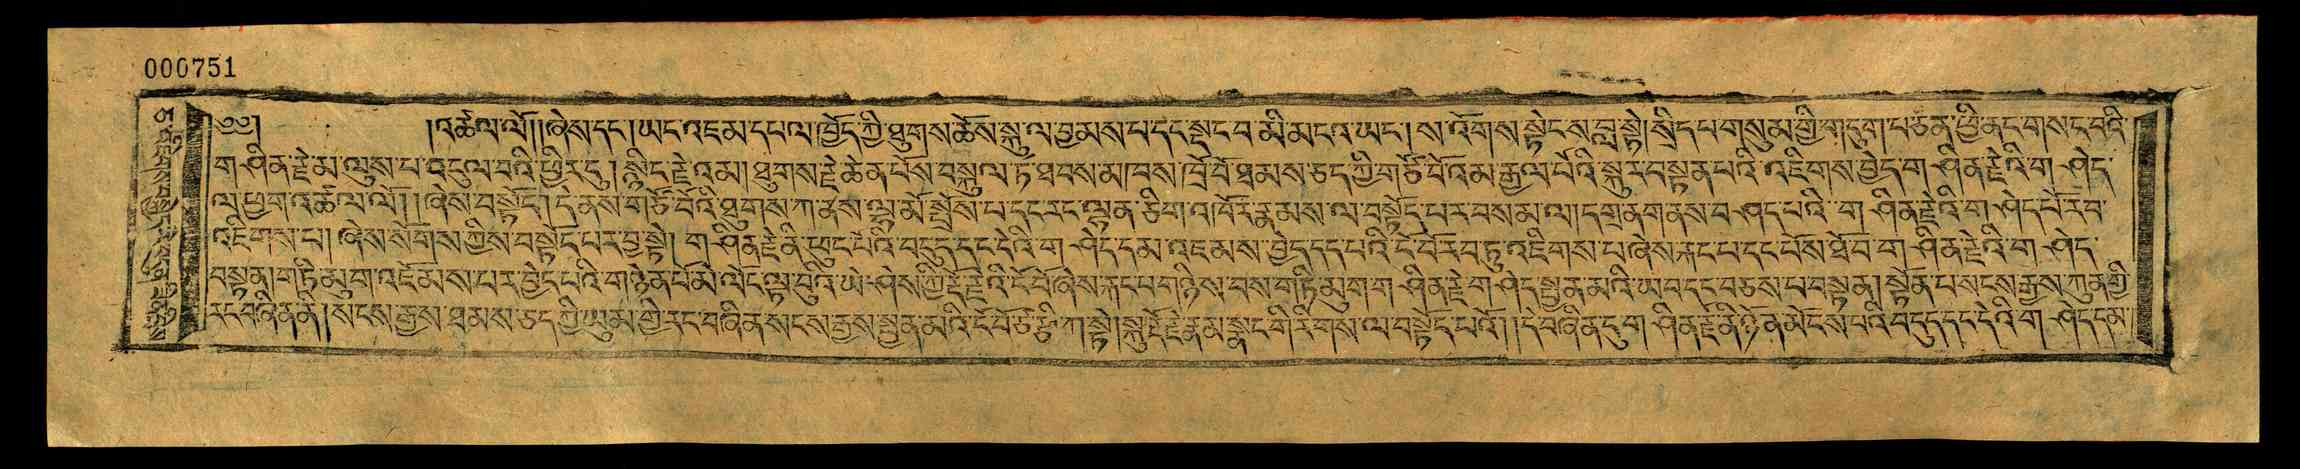༄༅། །འཚལ་ལོ། །ཞེས་དང་། ཡང་འཇམ་དཔལ་ཁྱོད་ཀྱི་ཐུགས་ཆོས་སྐུ་ལ་བྱམས་པ་དང་སྡང་བ་མི་མངའ་ཡང་། ས་འོག་ས་སྟེང་ས་བླ་སྟེ། སྲིད་པ་གསུམ་གྱི་གདུག་པ་ཅན་ཕྱི་ནང་གསང་བའི་
གཤིན་རྗེ་མ་ལུས་པ་འདུལ་བའི་ཕྱིར་དུ། སྙིང་རྗེ་འམ། ཐུགས་རྗེ་ཆེན་པོས་བསྐུལ་ཏེ་ཐབས་མཁས་ཁྲོ་བོ་ཐམས་ཅད་ཀྱི་གཙོ་བོ་འམ་རྒྱལ་པོའི་སྐུར་བསྟན་པའི་འཇིགས་བྱེད་གཤིན་རྗེའི་གཤེད་
ལ་ཕྱག་འཚལ་ལོ། །ཞེས་བསྟོད། དེ་ནས་གཙོ་བོའི་ཐུགས་ཀ་ནས་ལྷ་མོ་སྤྲོས་པ་དང་རང་ལྷན་ཅིག་འཁོར་རྣམས་ལ་བསྟོད་པར་བསམ་ལ། དགྲ་ནག་ནས་བཤད་པའི་གཤེན་རྗེའི་གཤེད་པོ་རབ་
འཇིགས་པ། ཞེས་སོགས་ཀྱིས་བསྟོད་པར་བྱ་སྟེ། གཤེན་རྗེ་ནི་ཕུང་པོའི་བདུད་དང་དེའི་གཤེད་དམ་འཇོམས་བྱེད་དད་པའི་ངོ་བོ་རབ་ཏུ་འཇིགས་པ་ཞེས་རྐང་པ་དང་པོས་ཐོ་བ་གཤིན་རྗེའི་གཤེད་
བསྟན། གཏི་མུག་འཇོམས་པར་བྱེད་པའི་གཉན་པོ་མེ་ལོང་ལྟ་བུའི་ཡེ་ཤེས་ཀྱི་རྡོ་རྗེའི་ངོ་བོ་ཞེས་རྐང་པ་གཉིས་པས་གཏི་མུག་གཤིན་རྗེ་གཤེད་སྤྱན་མའི་ཡབ་དང་བཅས་པ་བསྟན། སྟོན་པ་སངས་རྒྱས་ཀུན་གྱི་
རང་བཞིན་ནི། སངས་རྒྱས་ཐམས་ཅད་ཀྱི་ཡུམ་གྱི་རང་བཞིན་སངས་རྒྱས་སྤྱན་མའི་ངོ་བོ་ཙ་རྩི་ཀ་སྟེ། སྐུ་རྡོ་རྗེ་རྣམ་སྣང་གི་རིགས་ལ་བསྟོད་པའོ། །དེ་བཞིན་དུ་གཤིན་རྗེ་ནི་ཉོན་མོངས་པའི་བདུད་དང་དེའི་གཤེད་དམ་